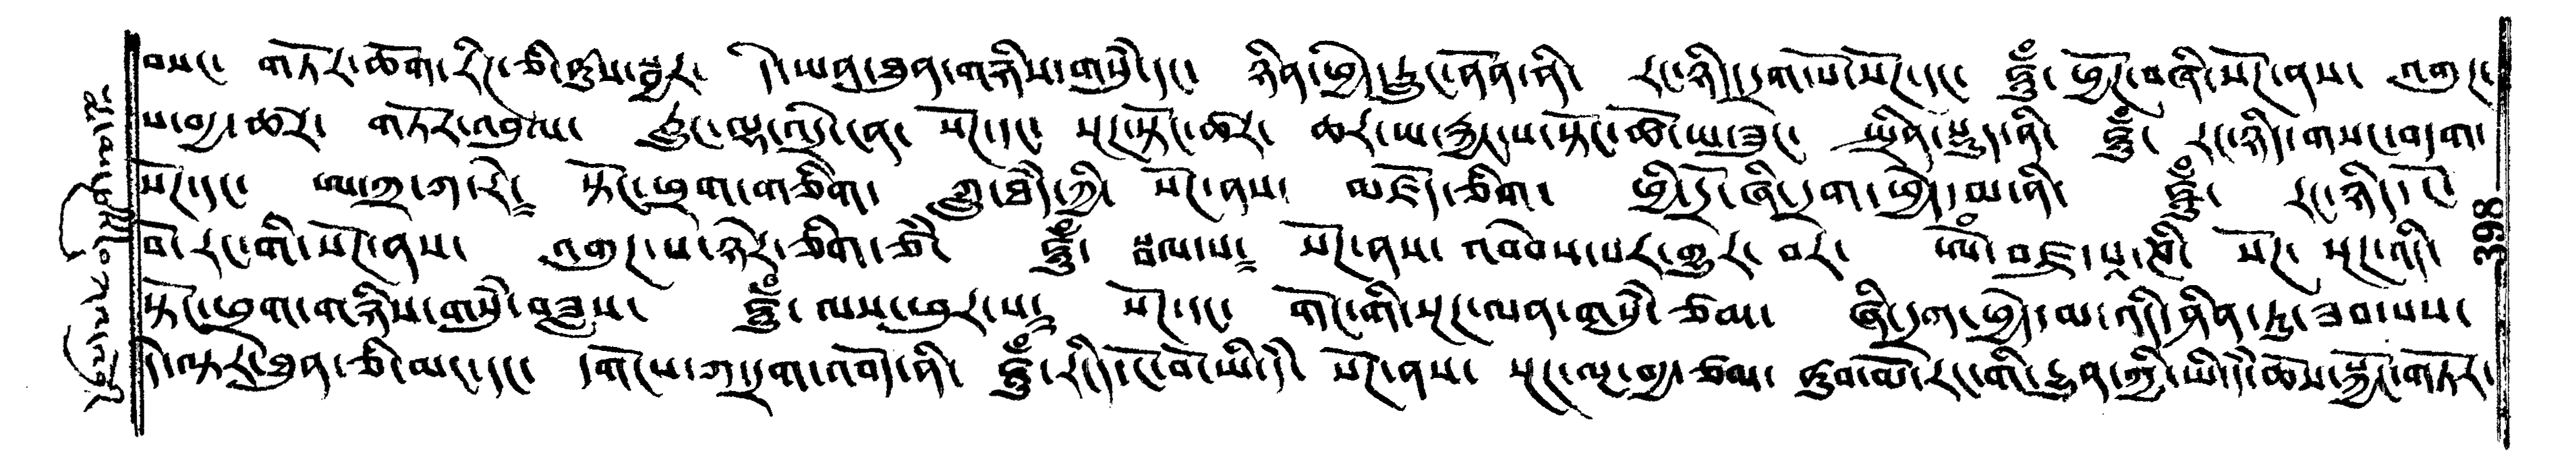བསང་། གཏོར་ཆོག་རིགས་ཅི་ནུས་སྦྱར། དེ་ཡན་ཐུན་གཉིས་གསུམ་དང་། ཉིན་ཕྱེད་རླུང་གནོན་ནི། རང་ཉིད་དྲག་པོ༴ སོགས་དང་། ཧཱུྃ། ཕྱོགས་བཞི༴ སོགས་ནས། འགུགས་
པ་བརྒྱ་ཚར། གཏོར་འབུལ། རླུང་ལྷ་འདྲེ་ངན༴ སོགས་དང་། སྔགས་སྟོང་ཚར། ཆར་ཡ༴ རྐྱང་པ་སྟོང་ཚོ་ཡ་ཟུང་། སྤྲིན་སྡུད་ནི། ཧཱུྃ། རང་ཉིད་གསང་བདག༴ 
སོགས་དང་། ཨ་ཀྲ་ཀ་རོ༴ སྟོང་ཕྲག་གཅིག ཀླུ་ཐམས་ཅད་ཀྱི༴ སོགས་ནས། མཛོད་ཅིག ཕྱི་དྲོ་ཞི་དྲག་ཕྱེད་མ་ནི། ཧཱུྃ། རང་ཉིད་ངོ་
བོ་རང་གི༴ སོགས་ནས། འགུགས་པ་ཉེར་གཅིག་ཙམ། ཧཱུྃ། སྦལ་པ༴ སོགས་ནས། འབེབས་པར་གྱུར། བར། ཨོཾ་བཛྲ་པཱ་ཎི༴ སོགས། སྔགས་འདི་
སྟོང་ཕྲག་གཉིས་གསུམ་བཟླས། ཧཱུྃ་ལས་ཕུར་པ༴ སོགས་དང་། གོང་གི་སྔགས་ལན་གསུམ་ཙམ། ཞི་དྲག་ཕྱེད་མ་འདི་ཤིན་ཏུ་ཟབ་པས་
དེ་ལྟར་ཐུན་ཅི་མང་དང་། དགོངས་ཀ་དྲག་འབོད་ནི། ཧཱུྃ། རང་ཉིད་ངོ་བོ་ཡི་དམ༴ སོགས་ནས། སྔགས་ལྔ་བརྒྱ་ཙམ། ནུབ་མོ་རང་གི་རྒྱུན་གྱི་ཡི་དམ་ཆོས་སྐྱོང་གཏོར་